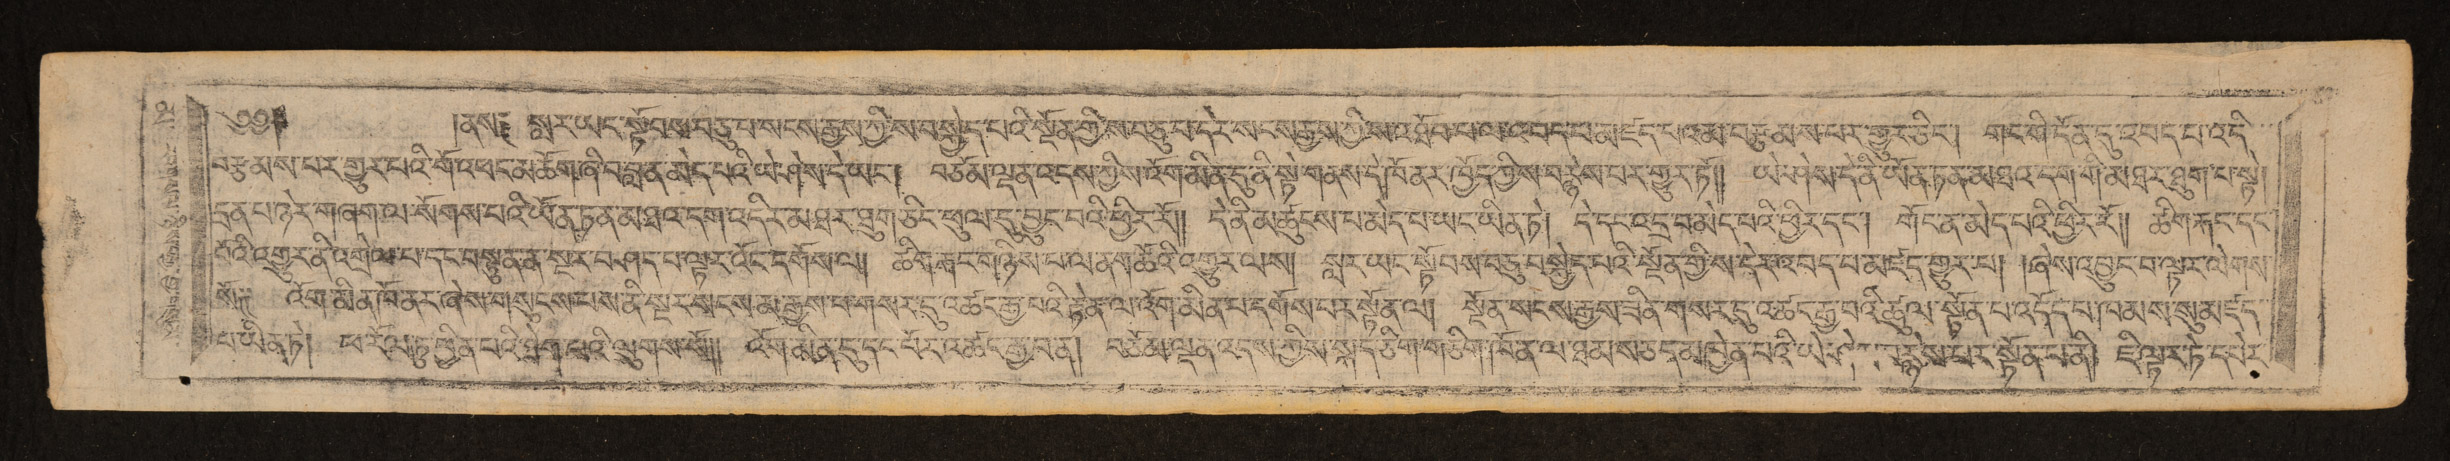༄༅། །ནས༑ སླར་ཡང་སྟོབས་བཅུ་པ་སངས་རྒྱས་ཀྱི་ས་བསྐྱེད་པའི་སྔོན་གྱི་ས་བཅུ་པ་དེར་སངས་རྒྱས་ཀྱི་ས་འཐོབ་པ་ལ་འབད་པ་མཛད་པའམ་བརྩམས་པར་གྱུར་ཅིང་། གང་གི་དོན་དུ་འབད་པ་འདི་
བརྩམས་པར་གྱུར་པའི་གོ་འཕང་མཆོག་ཞི་བ་བླ་ན་མེད་པའི་ཡེ་ཤེས་དེ་ཡང་། བཅོམ་ལྡན་འདས་ཀྱིས་འོག་མིན་དུ་ནི་སྟེ་གནས་དེ་ཁོ་ནར་ཁྱོད་ཀྱིས་བརྙེས་པར་གྱུར་ཏོ།། ཡེ་ཤེས་དེ་ནི་ཡོན་ཏན་མཐའ་དག་གི་མཐར་ཐུག་པ་སྟེ།
དྲན་པ་ཉེར་གཞག་ལ་སོགས་པའི་ཡོན་ཏན་མཐའ་དག་འདིར་མཐར་ཐུག་ཅིང་ཕུལ་དུ་བྱུང་བའི་ཕྱིར་རོ།། དེ་ནི་མཚུངས་པ་མེད་པ་ཡང་ཡིན་ཏེ། དེ་དང་འདྲ་བ་མེད་པའི་ཕྱིར་དང་། གོང་ན་མེད་པའི་ཕྱིར་རོ།། ཚིག་རྐང་དང་
པོའི་འགྱུར་ནི་འགྲེལ་པ་དང་བསྟུན་ན་སྔར་བཤད་པ་ལྟར་འོང་དགོས་ལ། ཚིག་རྐང་གཉིས་པ་ལ་ནག་ཚོའི་འགྱུར་ལས། སླར་ཡང་སྟོབས་བཅུ་བསྐྱེད་པའི་སྔོན་གྱི་ས་དེར་འབད་པ་མཛད་གྱུར་པ། ཞེས་འབྱུང་བ་ལྟར་ལེགས་
སོ༑༑ འོག་མིན་ཁོ་ནར་ཞེས་གསུངས་པས་ནི་སྔར་སངས་མ་རྒྱས་པ་གསར་དུ་འཚང་རྒྱ་བའི་རྟེན་ལ་འོག་མིན་པ་དགོས་པར་སྟོན་ལ། སྔོན་སངས་རྒྱས་ཟིན་གསར་དུ་འཚང་རྒྱ་བའི་ཚུལ་སྟོན་པ་འདོད་པ་ཁམས་སུ་མཛད་
པ་ཡིན་ཏེ། ཕ་རོལ་ཏུ་ཕྱིན་པའི་ཐེག་པའི་ལུགས་སོ།། འོག་མིན་དུ་དང་པོར་འཚང་རྒྱ་བ་ན། བཅོམ་ལྡན་འདས་ཀྱིས་སྐད་ཅིག་གཅིག་ཁོ་ན་ལ་ཐམས་ཅད་མཁྱེན་པའི་ཡེ་ཤེས་བརྙེས་པར་སྟོན་པ་ནི། ཇི་ལྟར་ཏེ་དཔེར་